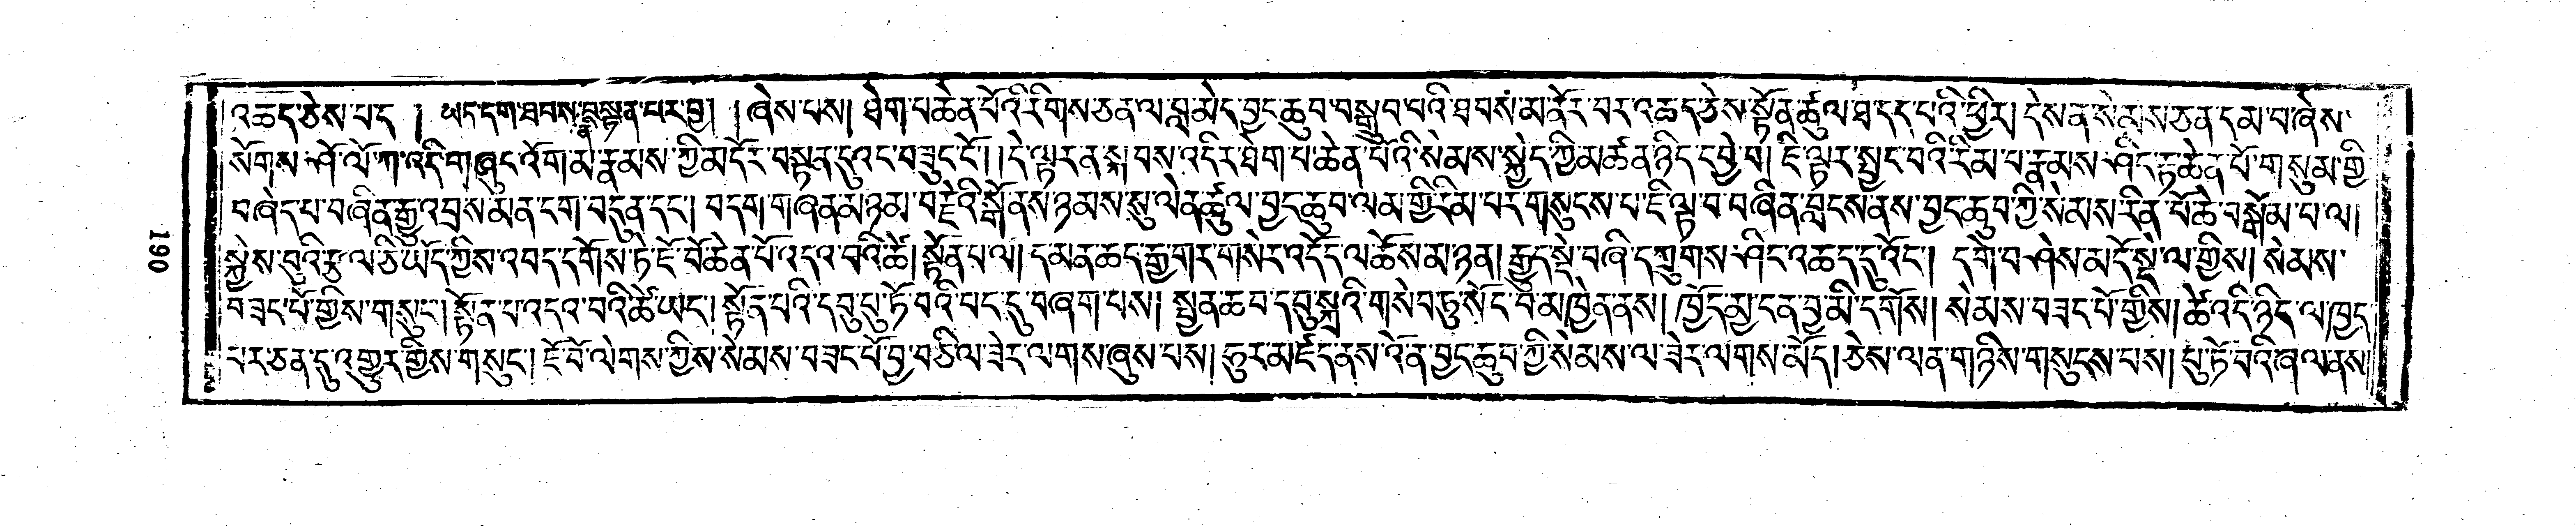འཆད་ཅེས་པ་དང་། ཡང་དག་ཐབས་ནི་བསྟན་པར་བྱ། ཞེས་པས། ཐེག་པ་ཆེན་པོའི་རིགས་ཅན་ལ་བླ་མེད་བྱང་ཆུབ་བསྒྲུབ་པའི་ཐབས་མ་ནོར་བར་འཆད་ཅེས་སྟོན་ཚུལ་ཐ་དད་པའི་ཕྱིར། དེས་ན་སེམས་ཅན་དམ་པ་ཞེས་
སོགས་ཤོ་ལོ་ཀ་འདི་གཞུང་འོག་མ་རྣམས་ཀྱི་མདོར་བསྟན་དུའང་བཟུང་ངོ། །དེ་ལྟར་ན་སྐབས་འདིར་ཐེག་པ་ཆེན་པོའི་སེམས་སྐྱེད་ཀྱི་མཚན་ཉིད་དབྱེ་བ། ཇི་ལྟར་སྦྱང་བའི་རིམ་པ་རྣམས་ཤིང་རྟ་ཆེན་པོ་གསུམ་གྱི་
བཞེད་པ་བཞིན་རྒྱུ་འབྲས་མན་ངག་བདུན་དང་། བདག་གཞན་མཉམ་བརྗེའི་སྒོ་ནས་ཉམས་སུ་ལེན་ཚུལ་བྱང་ཆུབ་ལམ་གྱི་རིམ་པར་གསུངས་པ་ཇི་ལྟ་བ་བཞིན་བླངས་ནས་བྱང་ཆུབ་ཀྱི་སེམས་རིན་པོ་ཆེ་བསྒོམ་པ་ལ།
སྐྱེས་བུའི་རྩལ་ཅི་ཡོད་ཀྱིས་འབད་དགོས་ཏེ་ཇོ་བོ་ཆེན་པོ་འདའ་བའི་ཚེ། སྟོན་པ་ལ། དམན་ཆད་རྒྱ་གར་གསེར་འདོད་ལ་ཆོས་མ་ཉན། རྒྱུད་སྡེ་བཞི་དཀྲུགས་ཤིང་འཆད་དུ་འོང་། དགེ་བཤེས་མདོ་སྡེ་ལ་གྱིས། སེམས་
བཟང་པོ་གྱིས་གསུང་། སྟོན་པ་འདའ་བའི་ཚེ་ཡང་། སྟོན་པའི་དབུ་པུ་ཏོ་བའི་པང་དུ་བཞག་པས། སྤྱན་ཆབ་དབུ་སྐྲའི་གསེབ་ཏུ་སོང་བ་མཁྱེན་ནས། ཁྱོད་མྱ་ངན་བྱ་མི་དགོས། སེམས་བཟང་པོ་གྱིས། ཚེ་འདི་ཉིད་ལ་ཁྱད་
པར་ཅན་དུ་འགྱུར་གྱིས་གསུང་། ཇོ་བོ་ལེགས་ཀྱིས་སེམས་བཟང་པོ་བྱ་བ་ཅི་ལ་ཟེར་ལགས་ཞུས་པས། ཧུར་མཛད་ནས་འོ་ན་བྱང་ཆུབ་ཀྱི་སེམས་ལ་ཟེར་ལགས་མོད། ཅེས་ལན་གཉིས་གསུངས་པས། པུ་ཏོ་བའི་ཞལ་ནས།